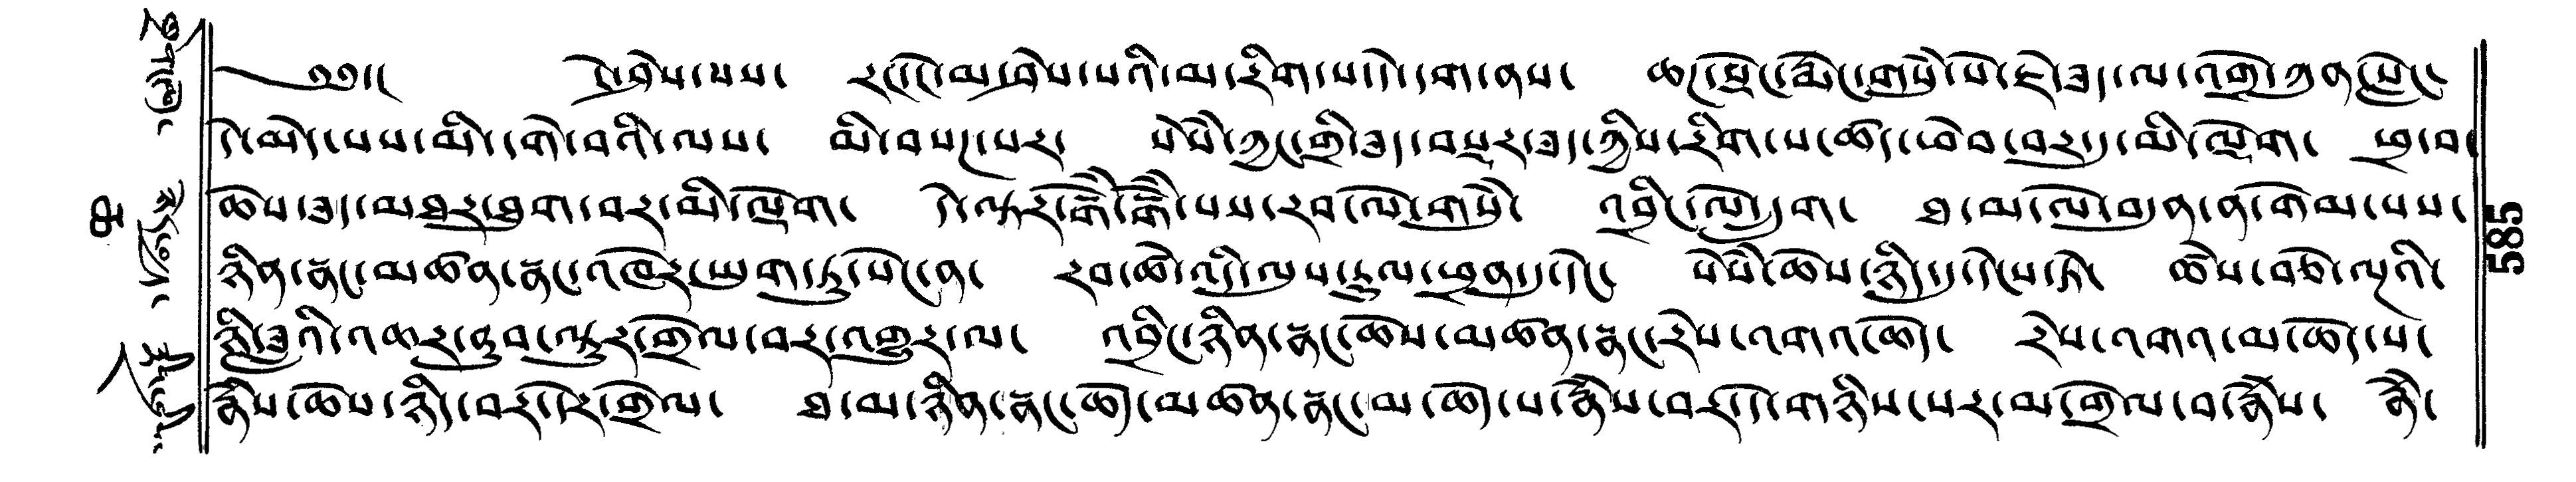ངོ་ཤེས་པས། རང་ངོ་མ་ཤེས་པའི་མ་རིག་པ་དེ་དག་ནས། ཆགས་སྡང་རྨོངས་གསུམ་པོ་ཇེ་ཟད་ལ་འགྲོ། ཀུན་སློང་
དེ་མེད་པས་མི་དགེ་བའི་ལས་མི་བསག་པར། སེམས་ཀྱང་གྲི་ཟད་བསྡར་ཟད་ཀྱིས་རིག་པ་ཚད་ཕེབས་བར་དུ་མི་ལྡོག ཕྲ་བ་
ཆོས་ཟད་མཐར་ཐུག་བར་མི་ལྡོག དེ་ལྟར་སྒོམ་བསྒོམ་པས་རབ་ལོ་གསུམ། འབྲིང་ལོ་དྲུག ཐ་མ་ལོ་བདུན་དུ་གོམ་པས་
ཉིན་སྣང་མཚན་སྣང་འཁོར་ཡུག་ཏུ་སོང་ན། རབ་ཚེ་འདིར་ལུས་རྡུལ་ཕྲན་དུ་དེངས། སེམས་ཆོས་ཉིད་དུ་དེངས་ཏེ། ཚེས་བཅོ་ལྔའི་
ཉི་ཟླའི་འཆར་ནུབ་ལྟ་བུར་གྲོལ་བར་འགྱུར་ལ། འབྲིང་ཉིན་སྣང་ཆོད། མཚན་སྣང་རེས་འགའ་ཆོད། རེས་འགའ་མ་ཆོད་པ་
རྣམས་ཆོས་ཉིད་བར་དོར་གྲོལ། ཐ་མ་ཉིན་སྣང་ཆོད། མཚན་སྣང་མ་ཆོད་པ་རྣམས་བར་དོ་གཉིས་པར་མ་གྲོལ་བ་རྣམས། རྣམ་